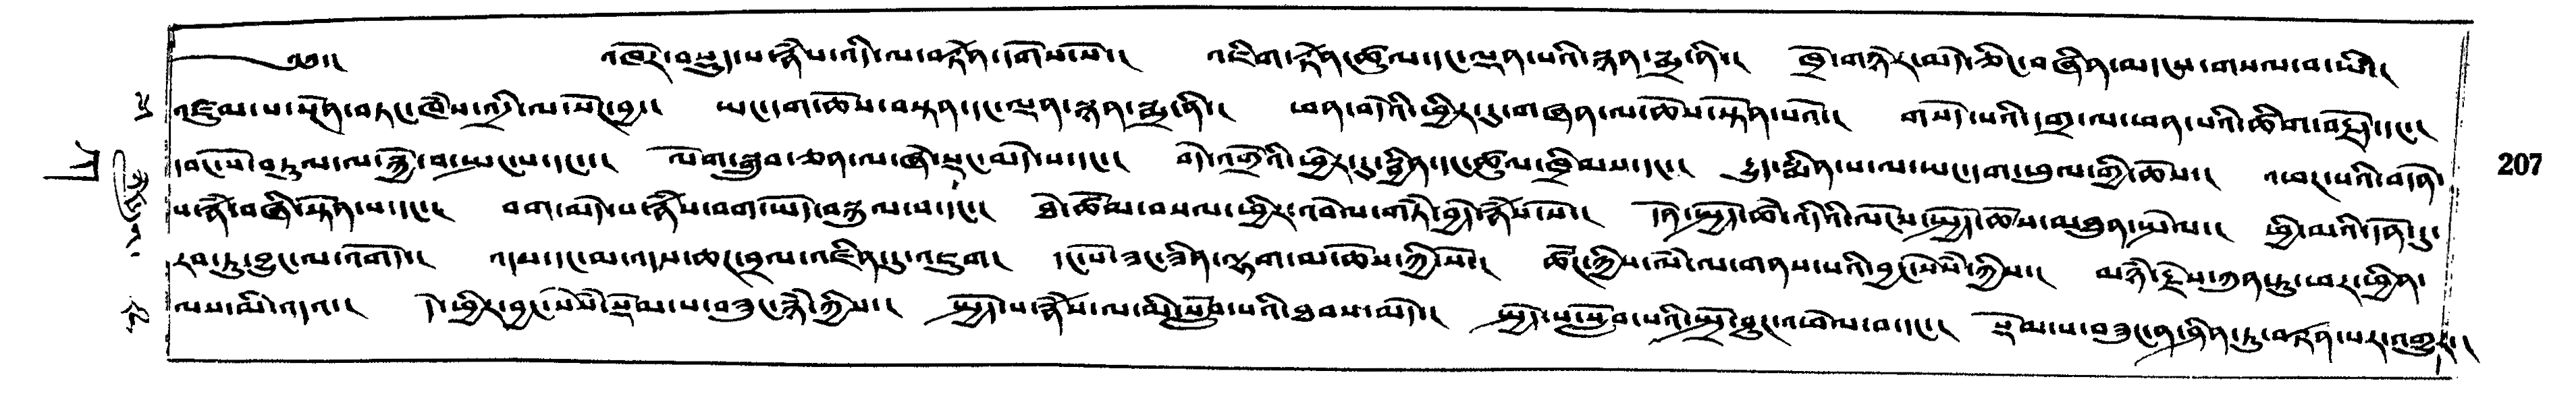།འཁོར་བསྡུད་པ་རྣམས་འདི་ལ་བརྟེན་དགོས་སོ། །འཇིག་རྟེན་ཚུལ་དང་ལྡན་པའི་སྙན་སྨྲ་ནི། ཁྲོ་གཉེར་མེད་ཅིང་བཞིན་མདངས་གསལ་བ་ཡི། །
འཛུམ་པ་སྔོན་བཏང་ཁམས་འདྲི་ལ་སོགས་བྱ། །ཡང་དག་ཆོས་བསྟན་དང་ལྡན་སྙན་སྨྲ་ནི། །ཕན་བདེའི་ཕྱིར་དུ་གཞན་ལ་ཆོས་སྟོན་པའོ། །གསོད་པའི་དགྲ་ལ་ཕན་པའི་ཚིག་བརྗོད་དང་། །
དབང་པོ་བཏུལ་ལ་སྐྱོ་བ་སྤང་པ་དང་། །ལོག་སྒྲུབ་ཅན་ལ་ཞེ་སྡང་མེད་པ་དང་། །བདེ་འགྲོའི་ཕྱིར་དུ་སྦྱིན་དང་ཚུལ་ཁྲིམས་དང་། །རྒྱུད་སྨིན་པ་ལ་ཡང་དག་ཕུལ་གྱི་ཆོས། །འཕགས་པའི་བདེན་
པ་རྣམ་བཞི་སྟོན་པ་དང་། །བག་མེད་པ་རྣམས་བག་ཡོད་བསྐུལ་བ་དང་། །ཐེ་ཚོམ་བསལ་ཕྱིར་འབེལ་གཏམ་བྱེད་རྣམས་སོ། །དོན་སྤྱོད་ཚེ་འདིའི་ལོངས་སྤྱོད་ཆོས་མཐུན་སྤེལ། །ཕྱི་མའི་དོན་དུ་
རབ་ཏུ་བྱུང་ལ་འགོད། །འདས་དང་མ་འདས་ཆགས་བྲལ་འཛིན་དུ་འཇུག།དང་པོ་ཟང་ཟིང་ལྷག་མ་ཆོས་ཀྱི་སོ། །ཚོགས་ཀྱིས་ལམ་ལ་གནས་པའི་བྱང་སེམས་ཀྱིས། །མཉམ་རྗེས་ཀུན་ཏུ་ཕར་ཕྱིན་
ལས་མི་འདའ། །དེ་ཕྱིར་བྱང་སེམས་སྡོམ་པ་བཟུང་སྙམ་གྱིས། །སྤྱོད་པ་རྣམས་ལ་མི་སློབ་པའི་ཐབས་མེད། །སྤྱོད་པ་སློབ་པའི་སྤྲོ་ཤུགས་འཕེལ་བ་དང་། །སྡོམ་པ་བཟུང་ན་ཤིན་ཏུ་བརྟན་པར་འགྱུར།